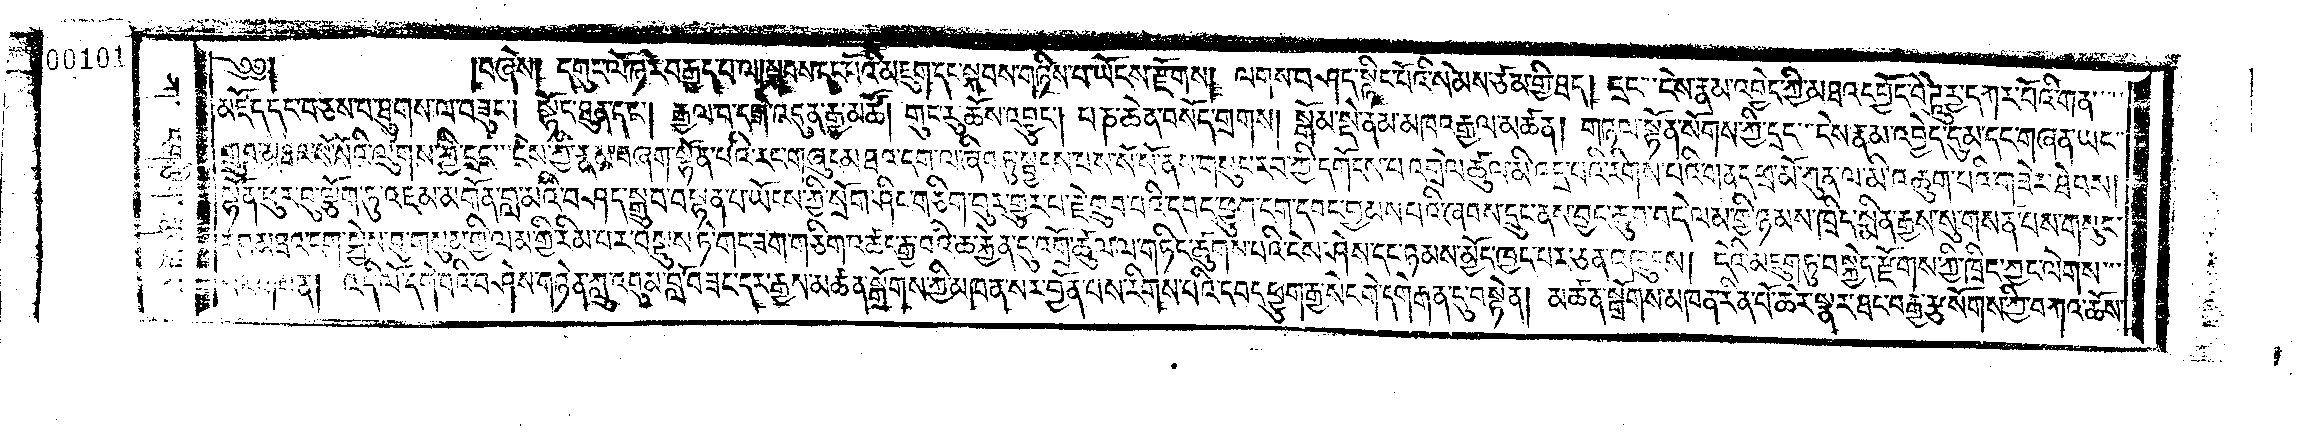༄༅། །བཞེས། དགུང་ལོ་ཉེར་བརྒྱད་པ་ལ། སྐབས་དང་པོའི་མཇུག་དང་སྐབས་གཉིས་པ་ཡོངས་རྫོགས། ལགས་བཤད་སྙིང་པོའི་སེམས་ཙམ་གྱི་ཐད། དྲང་ངེས་རྣམ་འབྱེད་ཀྱི་མཐའ་དཔྱོད་བཻ་ཌཱུརྱ་དཀར་པོའི་གན་
མཛོད་དང་བཅས་པ་ཐུགས་ལ་བཟུང་། སྟོང་ཐུན་དང་། རྒྱལ་བ་དགེ་འདུན་རྒྱ་མཚོ། གུང་རུ་ཆོས་འབྱུང་། པཎ་ཆེན་བསོད་གྲགས། སྒོམ་སྡེ་ནམ་མཁའ་རྒྱལ་མཚན། གཉལ་སྟོན་སོགས་ཀྱི་དྲང་ངེས་རྣམ་འབྱེད་དུ་མ་དང་གཞན་ཡང་
གྲུབ་མཐའ་སོ་སོའི་ལུགས་ཀྱི་དྲང་ངེས་ཀྱི་རྣམ་བཞག་སྟོན་པའི་རང་གཞུང་མཐའ་དག་ལ་ཞིབ་ཏུ་སྦྱངས་པས་སོ་སོ་ནས་གསུང་རབ་ཀྱི་དགོངས་པ་འགྲེལ་ཚུལ་མི་འདྲ་བའི་རིགས་པའི་གནད་ཕྲ་མོ་ཀུན་ལ་མི་འཆུག་པའི་གཟེར་ཐེབས།
སྟོན་ཕུར་བུ་ལྕོག་ཏུ་འཇམ་མགོན་བླ་མའི་བཤད་སྒྲུབ་བསྟན་པ་ཡོངས་ཀྱི་སྲོག་ཤིང་གཅིག་པུར་གྱུར་པ་རྗེ་གྲུབ་པའི་དབང་ཕྱུག་ངག་དབང་བྱམས་པའི་ཞབས་དྲུང་ནས་བྱང་ཆུབ་བདེ་ལམ་གྱི་ཉམས་ཁྲིད་སྨིན་རྒྱས་སུ་གསན་པས་གསུང་
རབ་མཐའ་ངག་སྐྱེས་བུ་གསུམ་གྱི་ལམ་གྱི་རིམ་པར་བསྡུས་ཏེ་གང་ཟག་གཅིག་འཚང་རྒྱ་བའི་ཆ་རྐྱེན་དུ་འགྲོ་ཚུལ་ལ་གཏིང་ཚུགས་པའི་ངེས་ཤེས་དང་ཉམས་མྱོང་ཁྱད་པར་ཅན་འཁྲུངས། དེའི་མཇུག་ཏུ་བསྐྱེད་རྫོགས་ཀྱི་ཁྲིད་ཀྱང་ལེགས་
པར་གསན། འདི་ལོ་དགེ་བའི་བཤེས་གཉེན་ཀླུ་འབུམ་བློ་བཟང་དར་རྒྱས་མཚན་སྒྲོགས་ཀྱི་མཁན་སར་བྱོན་པས་རིགས་པའི་དབང་ཕྱུག་རྒྱ་སེང་གེ་དགེ་རྒན་དུ་བསྟེན། མཚན་སྒྲོགས་མཁན་རིན་པོ་ཆེར་སྣར་ཐང་བརྒྱ་རྩ་སོགས་ཀྱི་བཀའ་ཆོས་